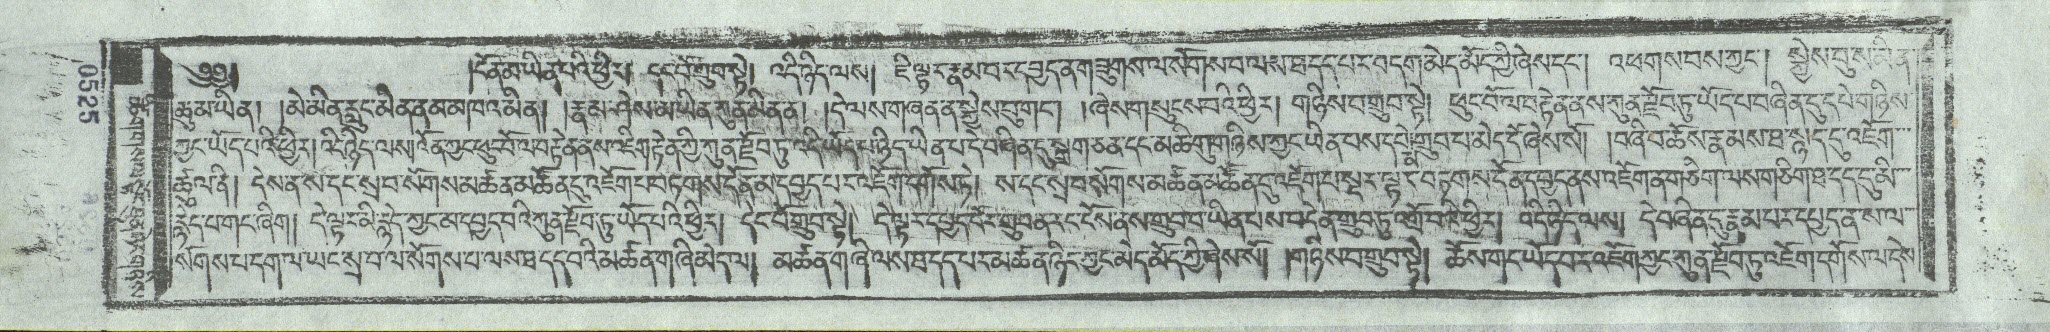༄༅། །དོན་མ་ཡིན་པའི་ཕྱིར། དང་པོ་གྲུབ་སྟེ། འདི་ཉིད་ལས། ཇི་ལྟར་རྣམ་པར་དཔྱད་ན་གཟུགས་ལ་སོགས་པ་ལས་ཐ་དད་པར་བདག་མེད་མོད་ཀྱི་ཞེས་དང་། འཕགས་པས་ཀྱང་། སྐྱེས་བུ་ས་མིན་
ཆུ་མ་ཡིན། །མེ་མིན་རླུང་མིན་ནམ་མཁའ་མིན། །རྣམ་ཤེས་མ་ཡིན་ཀུན་མིན་ན། །དེ་ལས་གཞན་ན་སྐྱེས་བུ་གང་། །ཞེས་གསུངས་བའི་ཕྱིར། གཉིས་པ་གྲུབ་སྟེ། ཕུང་པོ་ལ་བརྟེན་ནས་ཀུན་རྫོབ་ཏུ་ཡོད་པ་བཞིན་དུ་དཔེ་གཉིས་
ཀྱང་ཡོད་པའི་ཕྱིར། འདི་ཉིད་ལས་ཁོ་ན་ཀྱང་ཕུང་པོ་ལ་བརྟེན་ནས་འཇིག་རྟེན་ཀྱི་ཀུན་རྫོབ་ཏུ་འདི་ཡོད་པ་ཉིད་ཡིན་པ་དེ་བཞིན་དུ་སྒྲ་གཅན་དང་མཆི་གུ་གཉིས་ཀྱང་ཡིན་པས་དཔེ་མ་གྲུབ་པ་མེད་དོ་ཞེས་སོ། །བཞི་པ་ཆོས་རྣམས་ཐ་སྙད་དུ་འཇོག་
ཚུལ་ནི། དེས་ན་ས་དང་སྲ་བ་སོགས་མཚན་མཚོན་དུ་འཇོག་པ་བཏགས་དོན་མ་དཔྱད་པར་འཇོག་དགོས་ཏེ། ས་དང་སྲ་བ་སོགས་མཚན་མཚོན་དུ་འཇོག་པ་སྔར་ལྟར་བཏགས་དོན་དཔྱད་ནས་འཇོག་ན་གཅིག་ལས་གཅིག་ཐ་དད་དུ་མི་
རྙེད་པ་གང་ཞིག། དེ་ལྟར་མི་རྙེད་ཀྱང་མ་དཔྱད་པའི་ཀུན་རྫོབ་ཏུ་ཡོད་པའི་ཕྱིར། དང་པོ་གྲུབ་སྟེ། དེ་ལྟར་དཔྱད་ངོར་གྲུབ་ན་རང་ངོས་ནས་གྲུབ་བ་ཡིན་པས་བདེན་གྲུབ་ཏུ་འགྲོ་བའི་ཕྱིར། འདི་ཉིད་ལས། དེ་བཞིན་དུ་རྣམ་པར་དཔྱད་ན་ས་ལ་
སོགས་པ་དག་ལ་ཡང་སྲ་བ་ལ་སོགས་པ་ལས་ཐ་དད་པའི་མཚན་གཞི་མེད་ལ། མཚན་གཞི་ལས་ཐ་དད་པར་མཚན་ཉིད་ཀྱང་མེད་མོད་ཀྱི་ཤེས་སོ། །གཉིས་པ་གྲུབ་སྟེ། ཆོས་གང་ཡོད་པར་འཇོག་ཀྱང་ཀུན་རྫོབ་ཏུ་འཇོག་དགོས་ལ་དེས་